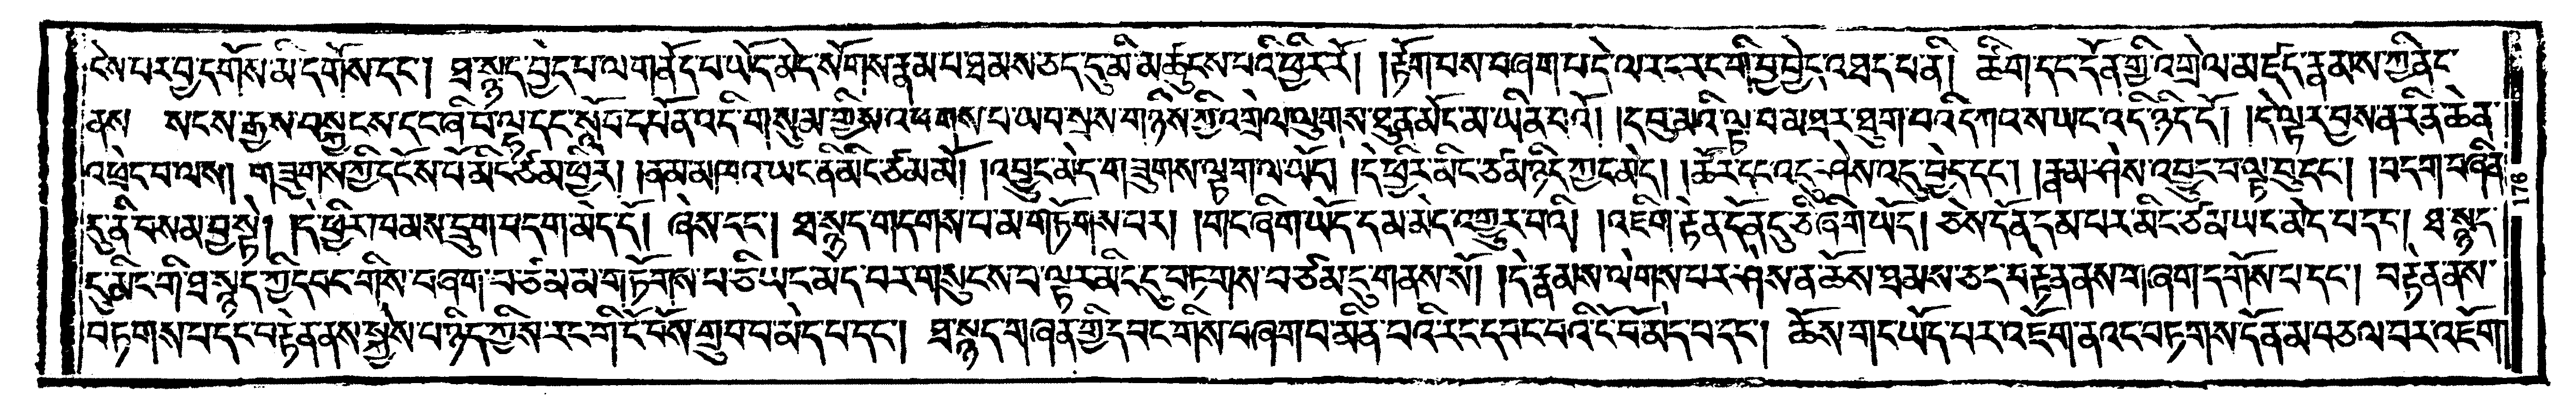ངེས་པར་བྱ་དགོས་མི་དགོས་དང་། ཐ་སྙད་བྱེད་པ་ལ་གནོད་པ་ཡོད་མེད་སོགས་རྣམ་པ་ཐམས་ཅད་དུ་མི་མཚུངས་པའི་ཕྱིར་རོ། །རྟོག་པས་བཞག་པ་དེ་ལ་རང་རང་གི་བྱ་བྱེད་འཐད་པ་ནི། ཚིག་དང་དོན་གྱི་འགྲེལ་མཛད་རྣམས་ཀྱི་ནང་
ནས། སངས་རྒྱས་བསྐྱངས་དང་ཞི་བ་ལྷ་དང་སློབ་དཔོན་འདི་གསུམ་གྱིས་འཕགས་པ་ཡབ་སྲས་གཉིས་ཀྱི་འགྲེལ་ལུགས་ཐུན་མོང་མ་ཡིན་པའོ། །དབུ་མའི་ལྟ་བ་མཐར་ཐུག་པའི་དཀའ་ས་ཡང་འདི་ཉིད་དོ། །དེ་ལྟར་བྱས་ན་རིན་ཆེན་
འཕྲེང་བ་ལས། གཟུགས་ཀྱི་དངོས་པོ་མིང་ཙམ་ཕྱིར། །ནམ་མཁའ་ཡང་ནི་མིང་ཙམ་མོ། །འབྱུང་མེད་གཟུགས་ལྟ་ག་ལ་ཡོད། །དེ་ཕྱིར་མིང་ཙམ་ཉིད་ཀྱང་མེད། །ཚོར་དང་འདུ་ཤེས་འདུ་བྱེད་དང་། །རྣམ་ཤེས་འབྱུང་བ་ལྟ་བུ་དང་། །བདག་བཞིན་
དུ་ནི་བསམ་བྱ་སྟེ། །དེ་ཕྱིར་ཁམས་དྲུག་བདག་མེད་དོ། ཞེས་དང་། ཐ་སྙད་གདགས་པ་མ་གཏོགས་པར། །གང་ཞིག་ཡོད་དམ་མེད་འགྱུར་བའི། །འཇིག་རྟེན་དོན་དུ་ཅི་ཞིག་ཡོད། ཅེས་དོན་དམ་པར་མིང་ཙམ་ཡང་མེད་པ་དང་། ཐ་སྙད་
དུ་མིང་གི་ཐ་སྙད་ཀྱི་དབང་གིས་བཞག་པ་ཙམ་མ་གཏོགས་པ་ཅི་ཡང་མེད་པར་གསུངས་པ་ལྟར་མིང་དུ་བཏགས་པ་ཙམ་དུ་གནས་སོ། །དེ་རྣམས་ལེགས་པར་ཤེས་ན་ཆོས་ཐམས་ཅད་བརྟེན་ནས་གཞག་དགོས་པ་དང་། བརྟེན་ནས་
བཏགས་པ་དང་བརྟེན་ནས་སྐྱེས་པ་ཉིད་ཀྱིས་རང་གི་ངོ་བོས་གྲུབ་པ་མེད་པ་དང་། ཐ་སྙད་གཞན་གྱི་དབང་གིས་བཞག་པ་མིན་པའི་རང་དབང་བའི་ངོ་བོ་མེད་པ་དང་། ཆོས་གང་ཡོད་པར་འཇོག་ནའང་བཏགས་དོན་མ་བཙལ་བར་འཇོག་